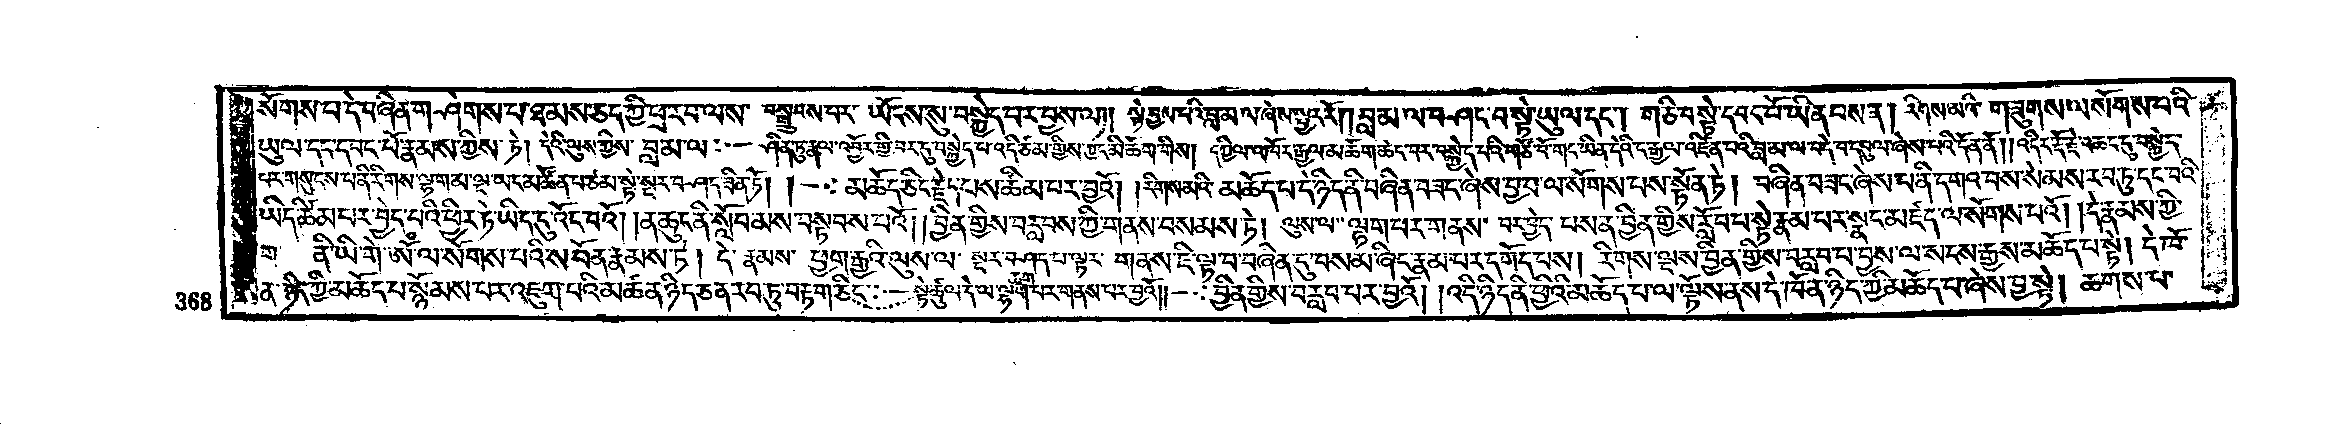སོགས་པ་དེ་བཞིན་གཤེགས་པ་ཐམས་ཅད་ཀྱི་ཕྲ་རབ་ལས་བསྒྲུབས་པར་ཡོངས་སུ་བསྐྱེད་པར་བྱས་ལ། སྟེ་བྱས་པའི་བླ་མ་ལ་ཞེས་སྦྱར་རོ། །བླ་མ་ལ་བཤད་བ་སྟེ་ཡུལ་དང་། གཅི་བ་སྟེ་དབང་པོ་ཡིན་པས་ན། རིགས་མའི་གཟུགས་ལ་སོགས་པའི་
ཡུལ་དང་དབང་པོ་རྣམས་ཀྱིས་ཏེ། དེའི་ལུས་ཀྱིས་བླ་མ་ལཿ་ཤིན་ཏུ་རྣལ་འབྱོར་གྱི་བར་དུ་བསྐྱེད་པ་འདི་ཙམ་གྱིས་ཀྱང་མི་ཆོག་གིས། དཀྱིལ་འཁོར་རྒྱལ་མཆོག་ཚང་བར་བསྐྱེད་པའི་གཙོ་བོ་གང་ཡིན་དེའི་ང་རྒྱལ་འཛིན་པའི་བླ་མ་ལ་བདེ་བ་དབུལ་ཞེས་པའི་དོན་ནོ། །འདིར་རྡོ་རྗེ་འཆང་དུ་བསྐྱེད་
པར་གསུངས་པ་ནི་རིགས་ལྷག་མ་ལྔ་ཡང་མཚོན་པ་ཙམ་སྟེ་སྔར་བཤད་ཟིན་ཏོ། །.H མཆོད་ཅིང་རྗེད་པས་ཚིམ་པར་བྱའོ། ། རིགས་མའི་མཆོད་པ་དེ་ཉིད་ནི་བཞིན་བཟང་ཞེས་བྱ་བ་ལ་སོགས་པས་སྟོན་ཏེ། བཞིན་བཟང་ཞེས་པ་ནི་དགའ་བས་སེམས་རབ་ཏུ་དང་བའི་
ཡིད་ཚིམ་པར་བྱེད་པའི་ཕྱིར་ཏེ་ཡིད་དུ་འོང་བའོ། །ན་ཆུང་ནི་སློབ་མས་བསྟབས་པའོ། །བྱིན་གྱིས་བརླབས་ཀྱི་གནས་བསམས་ཏེ། ལུས་ལ་ལྷག་པར་གནས་པར་བྱེད་པས་ན་བྱིན་གྱིས་རློབ་པ་སྟེ་རྣམ་པར་སྣང་མཛད་ལ་སོགས་པའོ། །དེ་རྣམས་ཀྱི་
གནས་ནི་ཡི་གེ་ཨོཾ་ལ་སོགས་པའི་ས་བོན་རྣམས་ཏེ། དེ་རྣམས་ཕྱག་རྒྱའི་ལུས་ལ་སྔར་བཤད་པ་ལྟར་གནས་ཇི་ལྟ་བ་བཞིན་དུ་བསམ་ཞིང་རྣམ་པར་དགོད་པས། རིགས་ལྔས་བྱིན་གྱིས་བརླབ་པ་བྱས་ལ་སངས་རྒྱས་མཆོད་པ་སྟེ། དེ་ཁོ་
ན་ཉིད་ཀྱི་མཆོད་པ་སྙོམས་པར་འཇུག་པའི་མཚན་ཉིད་ཅན་རབ་ཏུ་བརྟག་ཅིངཿ་སྟེ་ཚུལ་དེ་ལ་ཆག་ལྷག་པར་གནས་པར་བྱའོ།། .H བྱིན་གྱིས་བརླབ་པར་བྱའོ། །འདི་ཉིད་ནི་ཕྱིའི་མཆོད་པ་ལ་ལྟོས་ནས་དེ་ཁོ་ན་ཉིད་ཀྱི་མཆོད་པ་ཞེས་བྱ་སྟེ། ཆགས་པ་